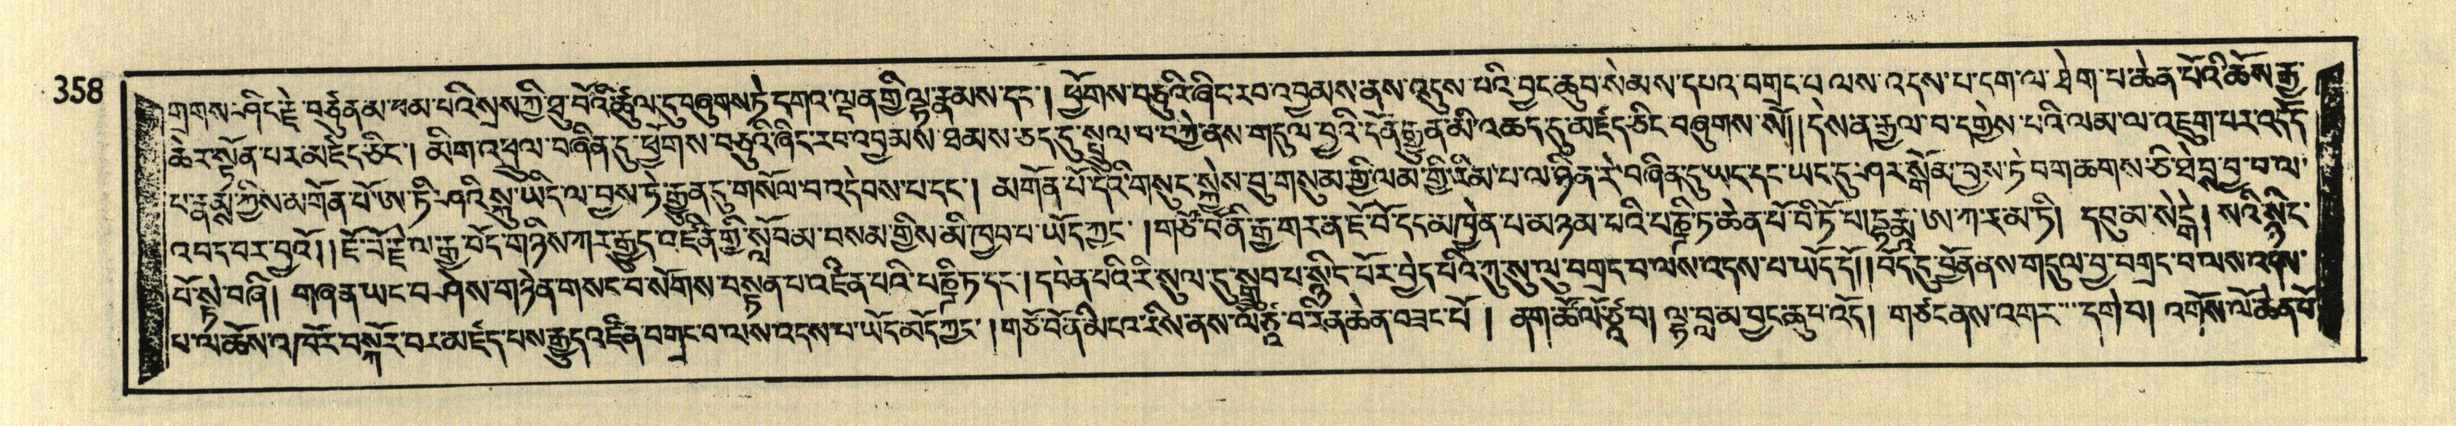གྲགས་ཤིང་རྗེ་བཙུན་མ་ཕམ་པའི་སྲས་ཀྱི་ཐུ་བོའི་ཚུལ་དུ་བཞུགས་ཏེ་དགའ་ལྡན་གྱི་ལྷ་རྣམས་དང་། ཕྱོགས་བཅུའི་ཞིང་རབ་འབྱམས་ནས་འདུས་པའི་བྱང་ཆུབ་སེམས་དཔའ་བགྲང་པ་ལས་འདས་པ་དག་ལ་ཐེག་པ་ཆེན་པོའི་ཆོས་རྒྱ་
ཆེར་སྟོན་པར་མཛད་ཅིང་། མིག་འཕྲུལ་བཞིན་དུ་ཕྱོགས་བཅུའི་ཞིང་རབ་འབྱམས་ཐམས་ཅད་དུ་སྤྲུལ་བ་བཀྱེ་ནས་གདུལ་བྱའི་དོན་རྒྱུན་མི་འཆད་དུ་མཛད་ཅིང་བཞུགས་སོ། །དེས་ན་རྒྱལ་བ་དགྱེས་པའི་ལམ་ལ་འཇུག་པར་འདོད་
པ་རྣམས་ཀྱིས་མགོན་པོ་ཨ་ཏི་ཤའི་སྐུ་ཡིད་ལ་བྱས་ཏེ་རྒྱུན་དུ་གསོལ་བ་འདེབས་པ་དང་། མགོན་པོ་དེའི་གསུང་སྐྱེས་བུ་གསུམ་གྱི་ལམ་གྱི་རིམ་པ་ལ་ཉིན་རེ་བཞིན་དུ་ཡང་དང་ཡང་དུ་ཤར་སྒོམ་བྱས་ཏེ་བག་ཆགས་ཅི་ཐེབས་བྱ་བ་ལ་
འབད་བར་བྱའོ། །ཇོ་བོ་རྗེ་ལ་རྒྱ་བོད་གཉིས་ཀར་རྒྱུད་འཛིན་གྱི་སློབ་མ་བསམ་གྱིས་མི་ཁྱབ་པ་ཡོད་ཀྱང་། གཙོ་བོ་ནི་རྒྱ་གར་ན་ཇོ་བོ་དང་མཁྱེན་པ་མཉམ་པའི་པཎྜི་ཏ་ཆེན་པོ་བི་ཏོ་པ། དྷརྨཱ་ཨ་ཀ་ར་མ་ཏི། དབུ་མ་སེངྒེ། སའི་སྙིང་
པོ་སྟེ་བཞི། གཞན་ཡང་བཤེས་གཉེན་གསང་བ་སོགས་བསྟན་པ་འཛིན་པའི་པཎྜི་ཏ་དང་། དབེན་པའི་རི་སུལ་དུ་སྒྲུབ་པ་སྙིང་པོར་བྱེད་པའི་ཀུ་སུ་ལུ་བགྲང་པ་ལས་འདས་པ་ཡོད་དོ། །བོད་དུ་བྱོན་ནས་གདུལ་བྱ་བགྲང་བ་ལས་འདས་
པ་ལ་ཆོས་འཁོར་བསྐོར་བར་མཛད་པས་རྒྱུད་འཛིན་བགྲང་བ་ལས་འདས་པ་ཡོད་མདོ་ཀྱང་། གཙོ་བོ་ནི་མངའ་རིས་ནས་ལོ་ཙཱ་བ་རིན་ཆེན་བཟང་པོ། ནག་ཚོ་ལོ་ཙཱ་བ། ལྷ་བླ་མ་བྱང་ཆུབ་འོད། གཙང་ནས་འགར་དགེ་བ། འགོས་ལོ་ཆེན་པོ་